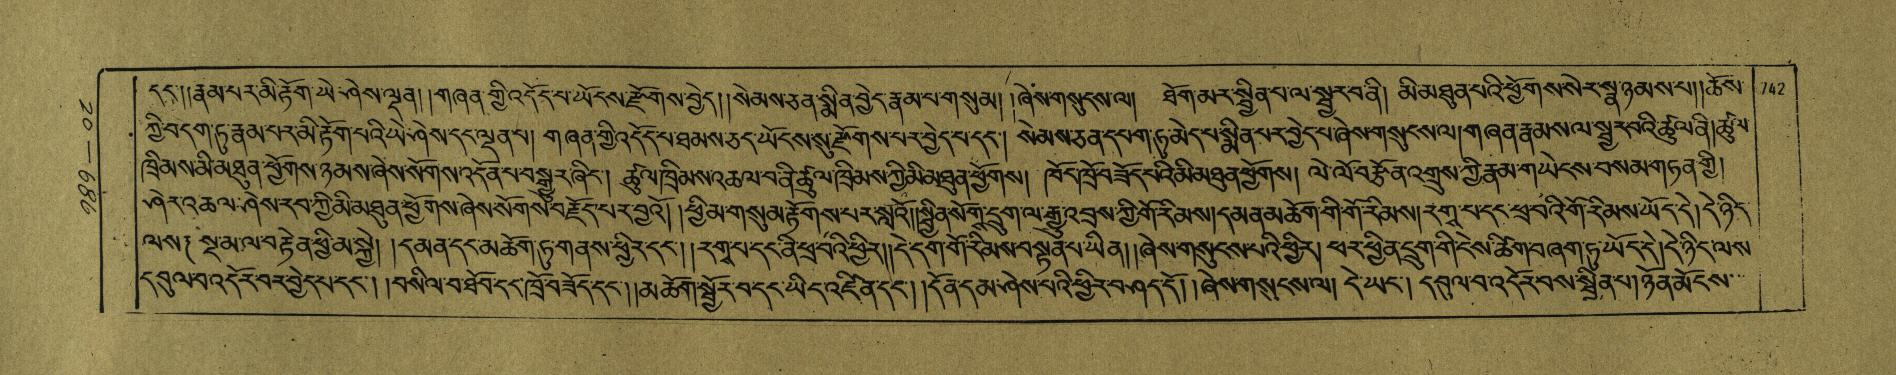དང་། །རྣམ་པར་མི་རྟོག་ཡེ་ཤེས་ལྡན། །གཞན་གྱི་འདོད་པ་ཡོངས་རྫོགས་བྱེད། །སེམས་ཅན་སྨིན་བྱེད་རྣམ་པ་གསུམ། །ཞེས་གསུངས་ལ། ཐོག་མར་སྦྱིན་པ་ལ་སྦྱར་བ་ནི། མི་མཐུན་པའི་ཕྱོགས་སེར་སྣ་ཉམས་པ། །ཆོས་
ཀྱི་བདག་ཏུ་རྣམ་པར་མི་རྟོག་པའི་ཡེ་ཤེས་དང་ལྡན་པ། གཞན་གྱི་འདོད་པ་ཐམས་ཅད་ཡོངས་སུ་རྫོགས་པར་བྱེད་པ་དང་། སེམས་ཅན་དཔག་ཏུ་མེད་པ་སྨིན་པར་བྱེད་པ་ཞེས་གསུངས་ལ། གཞན་རྣམས་ལ་སྦྱར་བའི་ཚུལ་ནི། ཚུལ་
ཁྲིམས་མི་མཐུན་ཕྱོགས་ཉམས་ཞེས་སོགས་འདོན་པ་བསྒྱུར་ཞིང་། ཚུལ་ཁྲིམས་འཆལ་བ་ནི་ཚུལ་ཁྲིམས་ཀྱི་མི་མཐུན་ཕྱོགས། ཁོང་ཁྲོ་བཟོད་པའི་མི་མཐུན་ཕྱོགས། ལེ་ལོ་བརྩོན་འགྲུས་ཀྱི་རྣམ་གཡེངས་བསམ་གཏན་གྱི།
ཤེར་འཆལ་ཤེས་རབ་ཀྱི་མི་མཐུན་ཕྱོགས་ཞེས་སོགས་བརྗོད་པར་བྱའོ། །ཕྱི་མ་གསུམ་རྟོགས་པར་སླའོ། །སྦྱིན་སོགས་དྲུག་ལ་རྒྱུ་འབྲས་ཀྱི་གོ་རིམས། དམན་མཆོག་གི་གོ་རིམས། རགས་པ་དང་ཕྲ་བའི་གོ་རིམས་ཡོད་དེ། དེ་ཉིད་
ལས༑ སྔ་མ་ལ་བརྟེན་ཕྱི་མ་སྐྱེ། །དམན་དང་མཆོག་ཏུ་གནས་ཕྱིར་དང་། །རགས་པ་དང་ནི་ཕྲ་བའི་ཕྱིར། །དེ་དག་གོ་རིམས་བསྟན་པ་ཡིན། །ཞེས་གསུངས་པའི་ཕྱིར། ཕར་ཕྱིན་དྲུག་གི་ངེས་ཚིག་བཞག་ཏུ་ཡོད་དེ། དེ་ཉིད་ལས་
དབུལ་བ་འདོར་བར་བྱེད་པ་དང་། །བསིལ་བ་ཐོབ་དང་ཁྲོ་བཟོད་དང་། །མཆོག་སྦྱོར་བ་དང་ཡིད་འཛིན་དང་། །དོན་དམ་ཤེས་པའི་ཕྱིར་བཤད་དོ། །ཞེས་གསུངས་ལ། དེ་ཡང་། དབུལ་བ་འདོར་བས་སྦྱིན་པ། ཉོན་མོངས་